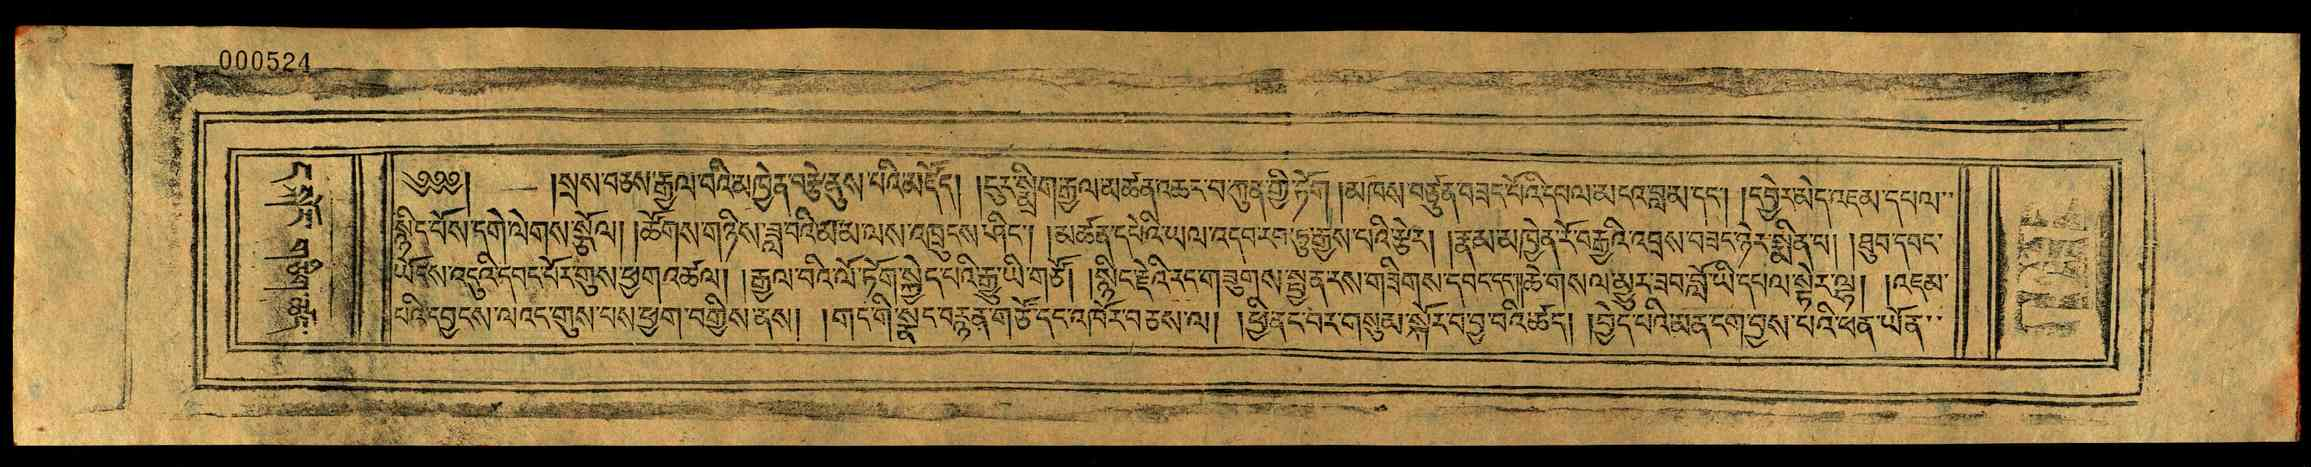༄༅༅། །སྲས་བཅས་རྒྱལ་བའི་མཁྱེན་བརྩེ་ནུས་པའི་མཛོད། །དུར་སྨྲིག་རྒྱལ་མཚན་འཆང་བ་ཀུན་གྱི་ཏོག །མཁས་བཙུན་བཟང་པོའི་དཔལ་མངའ་བླ་མ་དང་། །དབྱེར་མེད་འཇམ་དཔལ་
སྙིང་པོས་དགེ་ལེགས་སྩོལ། །ཚོགས་གཉིས་ཟླ་བའི་མ་མ་ལས་འཁྲུངས་ཤིང་། །མཚན་དཔེའི་ཡལ་འདབ་རབ་ཏུ་རྒྱས་པའི་རྩེར། །རྣམ་མཁྱེན་རོ་བརྒྱའི་འབྲས་བཟང་ཉེར་སྨིན་པ། །ཐུབ་དབང་
ཡོངས་འདུའི་དབང་པོར་གུས་ཕྱག་འཚལ། །རྒྱལ་བའི་ལོ་ཏོག་སྐྱེད་པའི་རྒྱུ་ཡི་གཙོ། །སྙིང་རྗེའི་རང་གཟུགས་སྤྱན་རས་གཟིགས་དབང་དང་། །ཆེ་གསལ་མྱུར་ཟབ་བློ་ཡེ་དཔལ་སྟེར་ལྷ། །འཇམ་
པའི་དབྱངས་ལའང་གུས་པས་ཕྱག་བགྱིས་ནས། །གང་གི་སྣང་བརྙན་གཅོ་དང་འཁོར་བཅས་ལ། །ཕྱི་ནང་བར་གསུམ་སྐོར་བ་བྱ་བའི་ཚད། །བྱེད་པའི་མན་ངག་བྱས་པའི་ཕན་ཡོན་